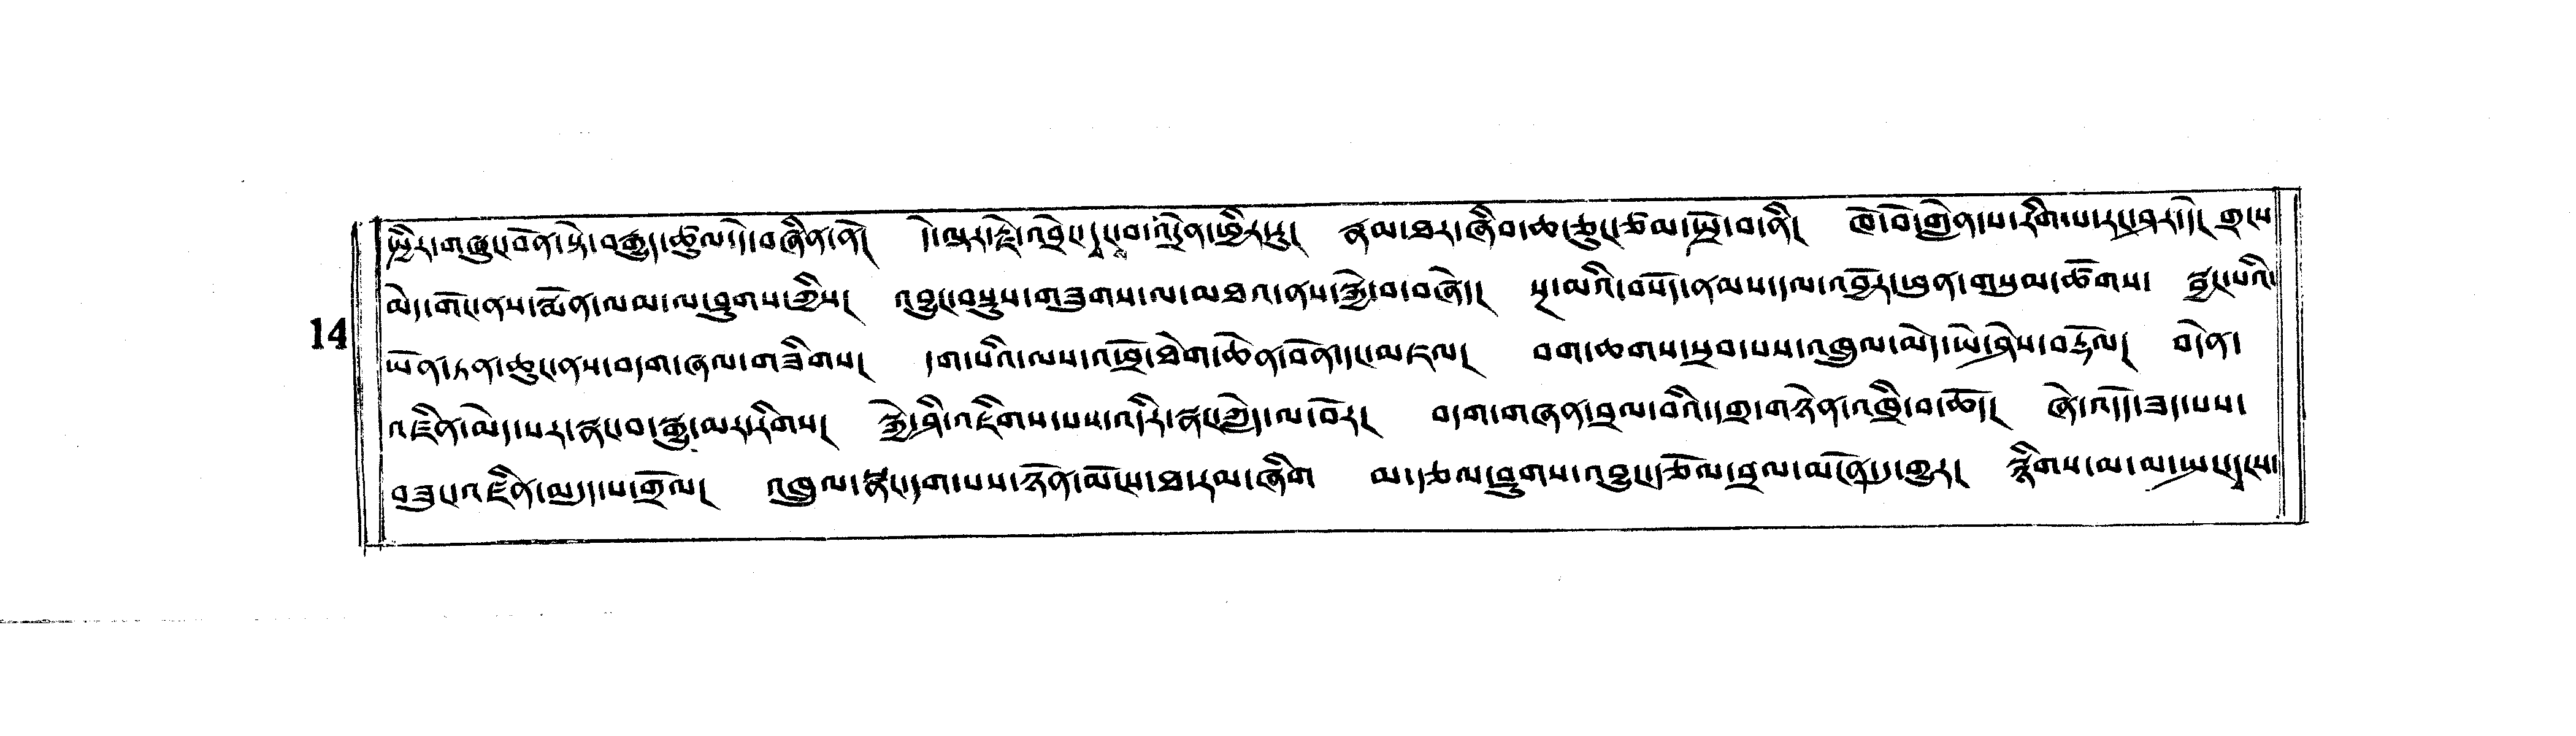སྤྱིར་གཞུང་བོན་སྡེ་བརྒྱུད་ཚུལ་དེ་བཞིན་ནོ། དེ་ལྟར་རྗེས་འབྲེང་དང་བ་འདྲེན་ཕྱིར་རུ། རྣམ་ཐར་ཞིབ་ཆ་ཅུང་ཙམ་སྤྲོ་བ་ནི། ཁོ་བོ་གླེན་པ་རིག་པ་རང་ཤར་དེ། གྲངས་
མེད་གོང་ནས་སྨོན་ལམ་ལ་ཤུགས་ཀྱིས། འབྱུང་བསྡུས་གཟུགས་ལ་མཐའ་ནས་སྐྱེ་བ་བཞེས། སྔ་མའི་བསོད་ནམས་དལ་འབྱོར་ཕུན་སུམ་ཚོགས། སྦྱངས་པའི་
ཡོན་ཏན་ཆུང་ནས་བདག་ཞལ་གཟིགས། དག་པའི་ལས་འཕྲོ་ཐེག་ཆེན་བོན་དང་མཇལ། བག་ཆགས་སྲབ་པས་འཁྲུལ་མེད་ཡེ་ཤེས་བརྡོལ། བདེན་
འཛིན་མེད་པར་སྣང་བ་སྒྱུ་མར་རིགས། སྐྱེ་ཤི་འཇིགས་པས་འདི་སྣང་ཀླད་ལ་བོར། བདག་གཞན་བྲལ་བས་དགྲ་གཉེན་འཁྲི་བ་ཆོད། ཞེ་འདོད་ཟད་པས་
གཟུང་འཛིན་མདུད་པ་གྲོལ། འཁྲུལ་སྣང་དག་པས་ཉོན་མོངས་ཐ་རམ་ཞིག། མ་རྩལ་ཤུགས་འབྱུང་རྩོལ་བྲལ་མངོན་དུ་གྱུར། སྙིགས་མ་མ་སྤངས་དྭངས་